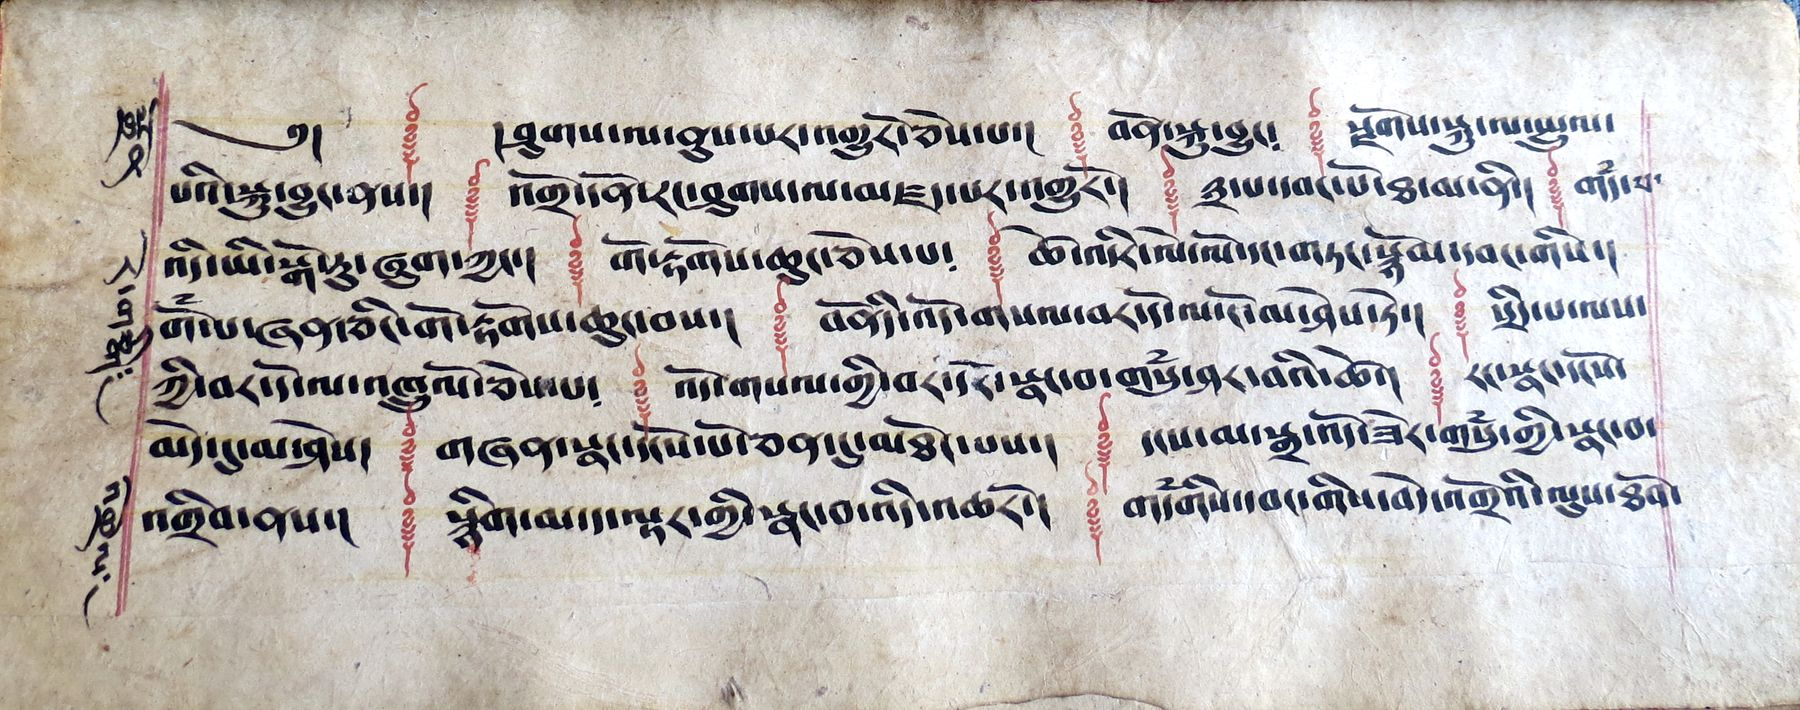ཤུགས་ལ་ནུས་པར་འགྱུར་རོ། །ཞེས་པས། བོན་སྐུ་ལས་རྫོགས་སྐུ་བྱུང་། རྫོགས་སྐུ་ལས་སྤྲུལ་
པའི་སྐུར་བྱུང་ནས། འགྲོ་དོན་རང་ཤུགས་ལ་མཛད་པར་འགྱུར་རོ། །གསུམ་པ་དབང་པོ་ཐ་མ་ནི། གདམས་པ་
འདིའི་སྒོར་ཞུགས་ཀྱང་། གོ་རྟོགས་ཆུང་ཞེས་པས། ཚེ་འདིར་ལེ་ལོ་དང་བཏང་སྙོམས་ཀྱི་དབང་གིས། 
གོམས་པ་ཞན་ཅིང་གོ་རྟོགས་ཆུང་པས། བོན་ཉིད་འོད་གསལ་བར་དོ་ལ་ངོ་མ་ཤེས་ཏེ། སྲིད་པ་ལས་
ཀྱི་བར་དོ་ལ་འཁྲུལ་ལོ། །ཞེས་པས། འོད་གསལ་གྱི་བར་དོ་སྣང་བ་གསུམ་ཤར་བའི་ཚེ། རང་སྣང་དངོས་
མེད་དུ་མ་ཤེས། གཞན་སྣང་དངོས་པོ་ཅན་དུ་མཐོང་བས། དྭངས་མ་སྒྲ་འོད་ཟེར་གསུམ་གྱི་སྣང་བ་
འགྲིབས་ནས། སྙིགས་མ་ད་ལྟར་གྱི་སྣང་བ་འདི་འཆར་རོ། །གདམས་ངག་གི་དབང་གིས་བདེ་འགྲོའི་ལུས་ཐོབ་